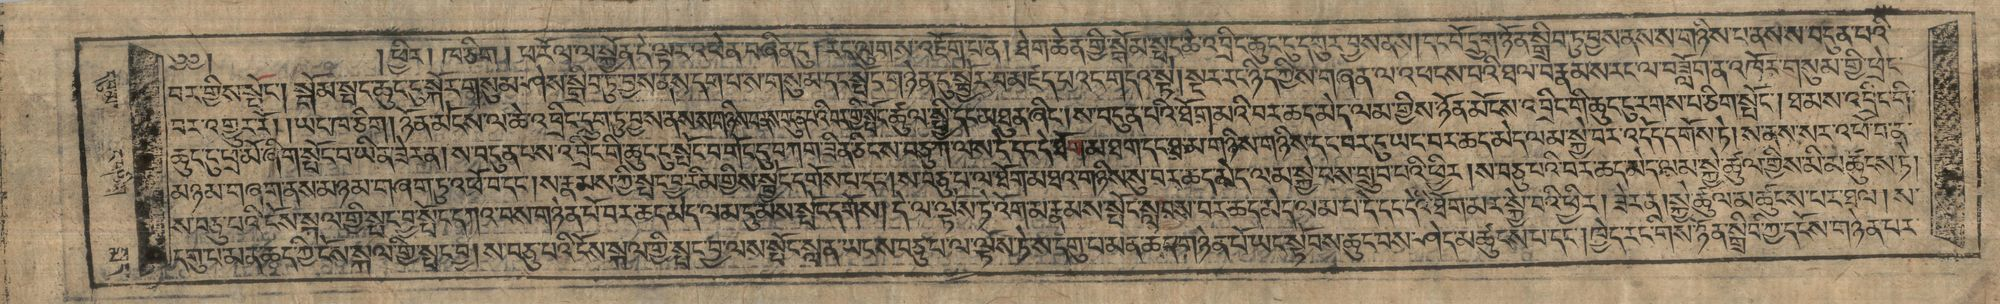༄༅། །ཕྱིར། ཁ་ཅིག ། ཕ་རོལ་ལ་སྐྱོན་དེ་ལྟར་འཕེན་བཞིན་དུ། རང་ལུགས་འཇོག་པ་ན། ཐེག་ཆེན་གྱི་སྒོམ་སྤང་ཆེ་འབྲིང་ཆུང་ངུ་དགུར་བྱས་ནས། དང་པོ་དྲུག་ཉོན་སྒྲིབ་ཏུ་བྱས་ནས་ས་གཉིས་པ་ནས་ས་བདུན་པའི་
བར་གྱིས་སྤོང་། སྒོམ་སྤང་ཆུང་ངུ་སྐོར་གསུམ་ཤེས་སྒྲིབ་ཏུ་བྱས་ནས་དག་པ་ས་གསུམ་དང་སྤོང་གཉེན་དུ་སྦྱོར་བ་མཛད་པའང་གདའྶྟེ། སྔར་རང་ཉིད་ཀྱིས་གཞན་ལ་འཕངས་པའི་ཐལ་བ་རྣམས་རང་ལ་བཟློག་ན་འཁོར་གསུམ་གྱི་ཕྲེང་
བར་འགྱུར་རོ། །ཡང་ཁ་ཅིག ། ཉོན་མོངས་ལ་ཆེ་འབྲིང་དྲུག་ཏུ་བྱས་ནས་ས་གཉིས་པ་ནས་བདུན་པའི་བར་གྱི་སྤོང་ཚུལ་སྤྱི་དང་མཐུན་ཞིང་། ས་བདུན་པའི་ཐོག་མའི་བར་ཆད་མེད་ལམ་གྱིས་ཉོན་མོངས་འབྲིང་གི་ཆུང་ངུ་རགས་པ་ཅིག་སྤོང་། ཐ་མས་འབྲིང་གི་
ཆུང་ངུ་ཕྲ་མོ་ཞིག་སྤོང་བ་ཡིན་ཟེར་ན། ས་བདུན་པས་འབྲིང་གི་ཆུང་ངུ་སྤོང་བ་གོང་དུ་བཀག་ཟིན་ཅིང་ས་བཅུ་ཀ་ལས་དེ་དང་དེ་ཐོབ་མ་ཐག་དང་ཐ་མ་གཉིས་གཉིས་དང་བར་དུ་ཡང་བར་ཆད་མེད་ལམ་སྐྱེ་བར་འདོད་དགོས་ཏེ། ས་ནས་སར་འཕོ་བ་ན་
མཉམ་གཞག་ནས་མཉམ་གཞག་ཏུ་འཕོ་བ་དང་། ས་རྣམས་ཀྱི་སྤང་བྱ་རིམ་གྱིས་སྦྱོང་དགོས་པ་དང་། ས་བཅུ་པ་ལ་ཐོག་མཐའ་གཉིས་སུ་བར་ཆད་མེད་ལམ་སྐྱེ་བས་གྲུབ་པའི་ཕྱིར། ས་བཅུ་པའི་བར་ཆད་མེད་ལམ་སྐྱེ་ཚུལ་གྱིས་མི་མཚུངས་ཏེ།
ས་བཅུ་པའི་ངོས་སྐལ་གྱི་སྤང་བྱ་སྤོང་དཀའ་བས་གཉེན་པོ་བར་ཆད་མེད་ལམ་དུ་མས་སྤོང་དགོས། དེ་ལ་ལྟོས་ཏེ་འོག་མ་རྣམས་སྤོང་སླ་བས་བར་ཆད་མེད་ལམ་ས་དེ་དང་དེའི་ཐོག་མར་སྐྱེ་བའི་ཕྱིར། ཟེར་ན། སྐྱེ་ཚུལ་མཚུངས་པར་ཐལ། ས་
དགུ་པ་མན་ཆད་ཀྱི་ངོས་སྐལ་གྱི་སྤང་བྱ། ས་བཅུ་པའི་ངོས་སྐལ་གྱི་སྤང་བྱ་ལས་སྤོང་སླཉང་ས་བཅུ་པ་ལ་ལྟོས་ཏེ་ས་དགུ་པ་མན་ཆད་གཉེན་པོ་ཡང་སྟོབས་ཆུང་བས་ཤེདམྪུངས་པ་དང་། ཁྱེད་རང་གིས་ཉོན་སྒྲིབ་ཀྱི་དངོས་གཉེན་བར་